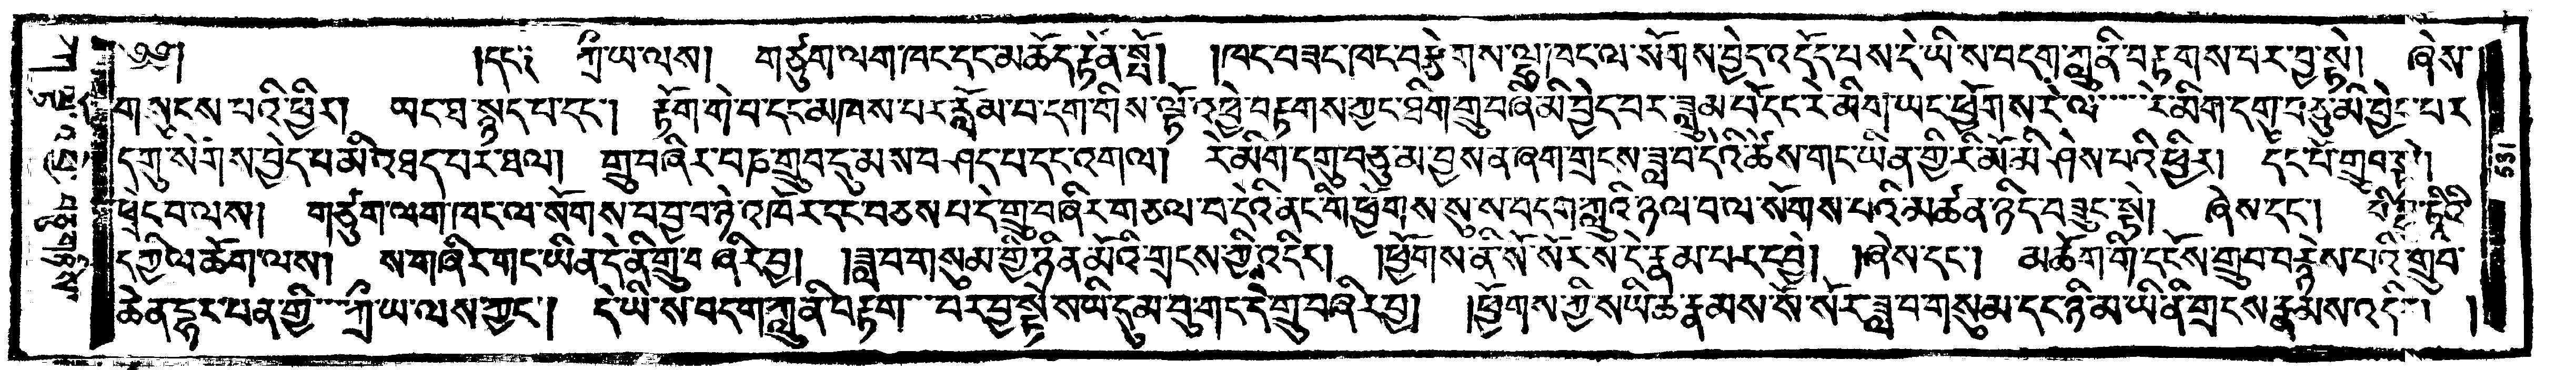༄༅། །དང་། ཀྲྀ་ཡ་ལས། གཙུག་ལག་ཁང་དང་མཆོད་རྟོན་སྤོ། །ཁང་བཟང་ཁང་བརྩེགས་ལྷ་ཁང་ལ་སོགས་བྱེད་འདོད་པས་དེ་ཡིས་བདག་ཀླུ་ནི་བརྟགས་པར་བྱ་སྟེ། ཞེས་
གསུངས་པའི་ཕྱིར། ཡང་ཐ་སྙད་པ་དང་། རྟོག་གེ་བ་དང་མཁས་པར་རློམ་བདག་གིས་ལྟོ་འཕྱེ་བརྟགས་ཀྱང་ཐིག་གྲུ་བཞི་མི་བྱེད་པར་ཟླུམ་པོ་དང་རེ་མིག་ཡང་ཕྱོགས་རེ་ལ་རེ་མིག་དགུ་བཅུ་མི་བྱེད་པར་
དགུ་སོགས་བྱེད་བ་མི་འཐད་པར་ཐལ། གྲུ་བཞིར་བཎ་གྲུབ་དུ་མས་བཤད་པ་དང་འགལ། །རེ་མིག་དགུ་བཅུ་མ་བྱས་ན་ཞག་གྲངས་ཟླ་བ་དེའི་ཚེས་གང་ཡིན་གྱི་རི་མོ་མི་ཤེས་པའི་ཕྱིར། དང་པོ་གྲུབ་སྟེ།
ཕྲེང་བ་ལས། གཙུག་ལག་ཁང་ལ་སོགས་བ་བྱ་བ་ཉེ་འཁོར་དང་བཅས་པ་དེ་གྲུ་བཞིར་གཅལ་བ་དེའི་ནང་གི་ཕྱོགས་སུ་ས་བདག་ཀླུའི་ཉལ་བ་ལ་སོགས་པའི་མཚན་ཉིད་བཟུང་སྟེ། ཞེས་དང་། བི་བྷྲ་ཏཱིའི?།
དཀྱིལ་ཆོག་ལས། ས་གཞིར་གང་ཡིན་དེ་ནི་གྲུ་བཞིར་བྱ། །ཟླ་བ་གསུམ་གྱི་ཉིན་མོའི་གྲངས་ཀྱི་འདིར། །ཕྱོགས་ནི་སོ་སོར་ས་དེ་རྣམ་པར་དབྱེ། །ཞེས་དང་། མཆོག་གི་དངོས་གྲུབ་བརྙེས་པའི་གྲུབ་
ཆེན་དྷར་པན་གྱི་ཀྲྀ་ཡ་ལས་ཀྱང་། དེ་ཡི་ས་བདག་ཀླུ་ནི་བརྟག་པར་བྱ་སྟེས་ཡི་དུམ་བུ་གང་དེ་གྲུ་བཞིར་བྱ། །ཕྱོགས་ཀྱིས་ཡི་ཆ་རྣམས་སོ་སོར་ཟླ་བ་གསུམ་དང་ཉི་མ་ཡི་ནི་གྲངས་རྣམས་འདི?།